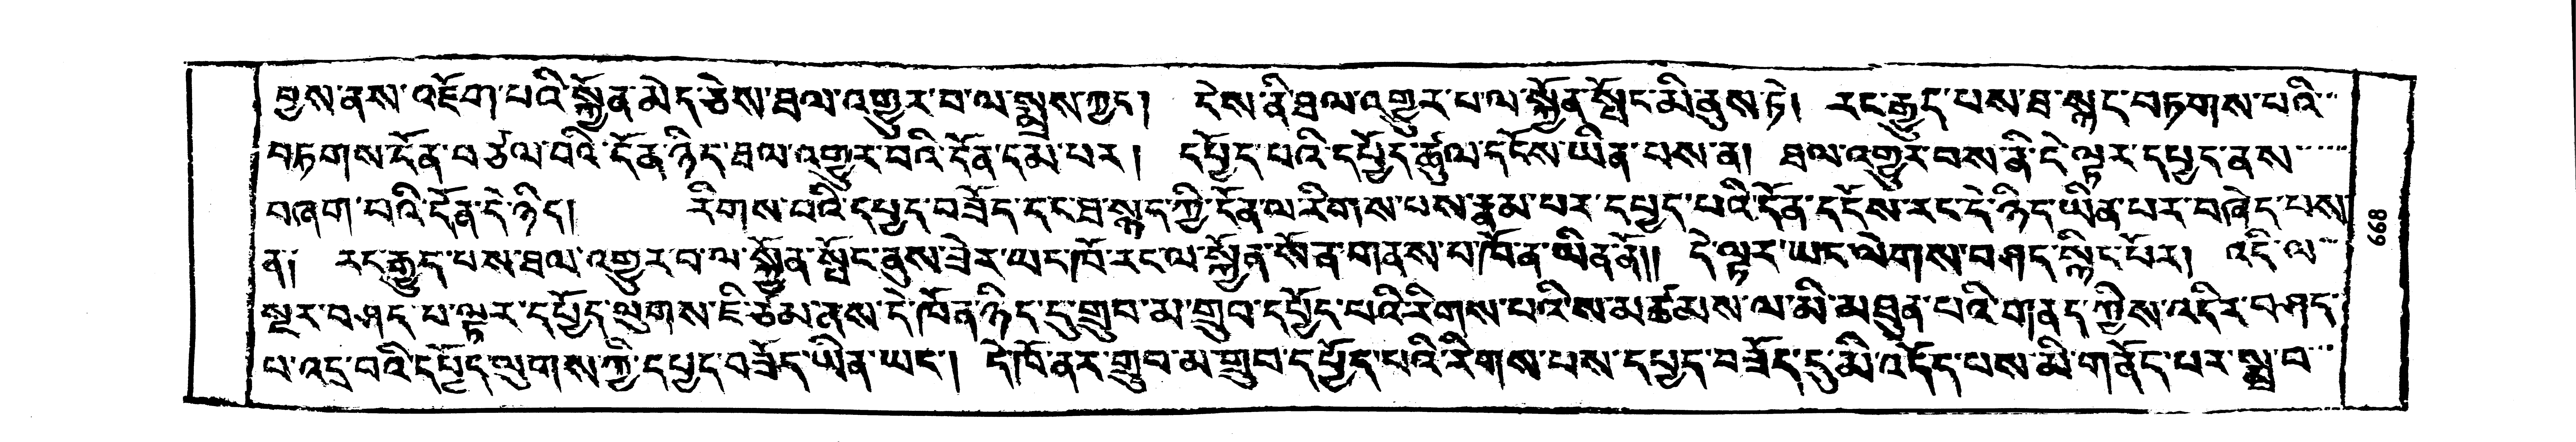བྱས་ནས་འཇོག་པའི་སྐྱོན་མེད་ཅེས་ཐལ་འགྱུར་བ་ལ་སྨྲས་ཀྱང་། དེས་ནི་ཐལ་འགྱུར་པ་ལ་སྐྱོན་སྤོང་མི་ནུས་ཏེ། རང་རྒྱུད་པས་ཐ་སྙད་བཏགས་པའི་
བཏགས་དོན་བཙལ་བའི་དོན་ཉིད་ཐལ་འགྱུར་བའི་དོན་དམ་པར། དཔྱོད་པའི་དཔྱོད་ཚུལ་དངོས་ཡིན་པས་ན། ཐལ་འགྱུར་བས་ནི་དེ་ལྟར་དཔྱད་ནས་
བཞག་པའི་དོན་དེ་ཉིད། རིགས་པའི་དཔྱད་བཟོད་དང་ཐ་སྙད་ཀྱི་དོན་ལ་རིགས་པས་རྣམ་པར་དཔྱད་པའི་དོན་དངོས་རང་དེ་ཉིད་ཡིན་པར་བཞེད་པས་
ན། རང་རྒྱུད་པས་ཐལ་འགྱུར་བ་ལ་སྐྱོན་སྤོང་ནུས་ཟེར་ཡང་ཁོ་རང་ལ་སྐྱོན་སོན་གནས་པ་ཁོ་ན་ཡིན་ནོ། །དེ་ལྟར་ཡང་ལེགས་བཤད་སྙིང་པོར། འདི་ལ་
སྔར་བཤད་པ་ལྟར་དཔྱོད་ལུགས་ཇི་ཙམ་ནས་དེ་ཁོ་ན་ཉིད་དུ་གྲུབ་མ་གྲུབ་དཔྱོད་པའི་རིགས་པའི་ས་མཚམས་ལ་མི་མཐུན་པའི་གནད་ཀྱིས་འདིར་བཤད་
པ་འདྲ་བའི་དཔྱོད་ལུགས་ཀྱི་དཔྱད་བཟོད་ཡིན་ཡང་། དེ་ཁོ་ནར་གྲུབ་མ་གྲུབ་དཔྱོད་པའི་རིགས་པས་དཔྱད་བཟོད་དུ་མི་འདོད་པས་མི་གནོད་པར་སྨྲ་བ་